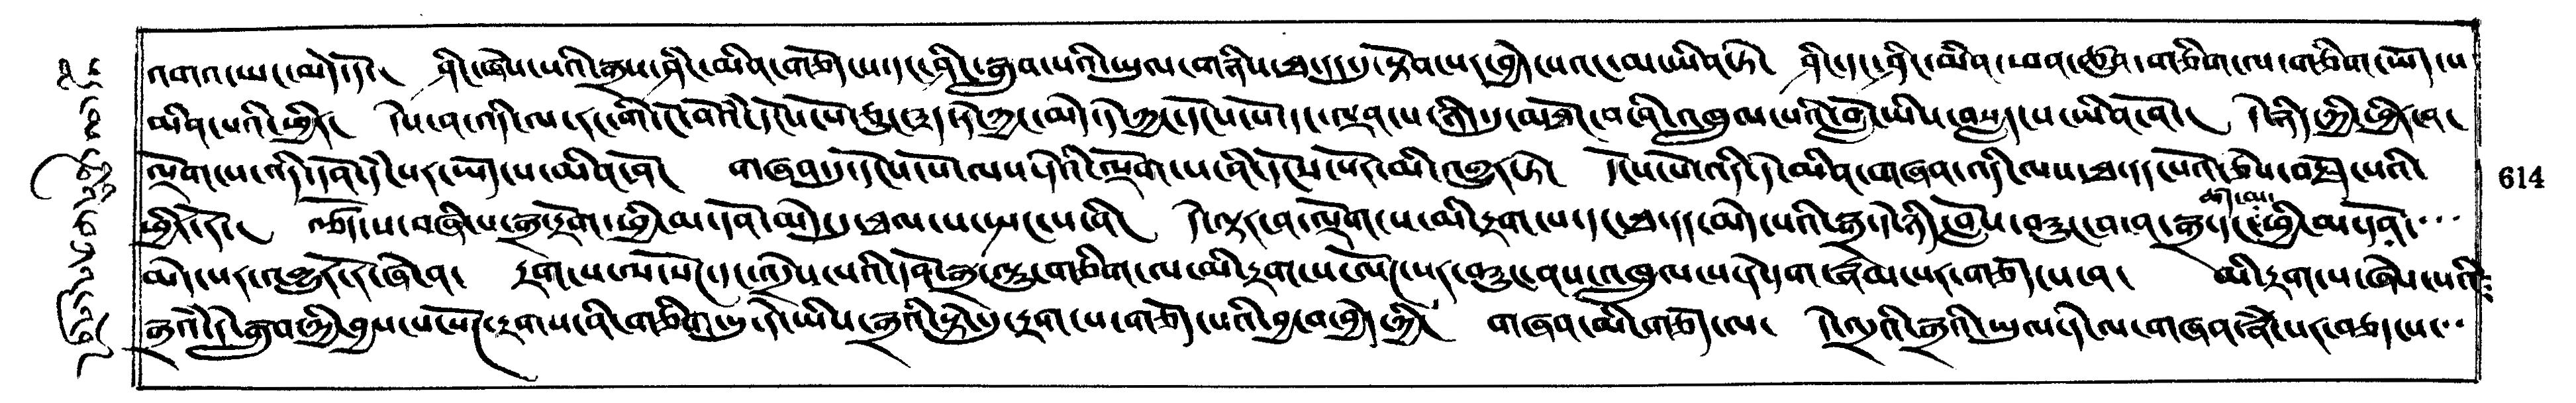འགའ་ཡང་མེད་དོ།། ཤིང་ཞེས་པའི་སྒྲས་ཤིང་མིན་གཅོད་པ་དང་ཤིང་སྒྲུབ་པའི་ཡུལ་གཉིས་ཐ་དད་དུ་སྟོན་པར་བྱེད་པའང་མ་ཡིན་ཏེ། ཤིང་དང་ཤིང་མིན་ཕན་ཚུན་གཅིག་ལ་གཅིག་ཡོད་པ་
མིན་པའི་ཕྱིར། དེས་ན་འདི་ལ་རང་གི་ངོ་བོའམ་དངོས་པོ་ཅུང་ཟད་རེ་ཡང་མེད་མོད་འོན་ཀྱང་དངོས་པོ་དང་ལྡན་པ་ཉིད་དུ་མཐོང་བ་ནི་འཁྲུལ་པའི་བློ་ཡིས་བསླད་པ་ཡིན་ནོ།། དེ་ཉིད་ཀྱི་ཕྱིར་ན་
ལྡོག་པ་འདི་དོན་དམ་པར་ཡོད་པ་མིན་ནོ།། གཞན་དུ་དངོས་པོ་ལས་དེའི་ལྡོག་པ་ནི་དངོས་པོར་མི་འགྱུར་ཏེ། དངོས་པོ་འདི་དེ་མིན་གཞན་འདི་ལས་ཐ་དད་པའོ་ཅེས་བརྗོད་པའི་
ཕྱིར་རོ།། རྩོད་པ་བཞི་པ་སྒྲ་རྟོག་ཕྱི་མ་དོན་མེད་དུ་ཐལ་པ་སྤོང་བ་ནི། དེ་ལྟར་ན་ལྡོག་པ་མི་རྟག་པ་དང་ཐ་དད་མེད་པའི་སྒྲ་དེ་ཉིད་བློས་བཟུང་བ་ན་སྒྲ་དང་ཚད་མ་ཕྱི་མ་དོན་
མེད་པར་འགྱུར་རོ་ཞེ་ན། རྟག་པ་ལ་སོགས་དང་འདྲེས་པའི་དོན་སྒྲ་ལྟ་བུ་གཅིག་ལ་མི་རྟག་པ་ལ་སོགས་པར་བཟུང་ནས་འཁྲུལ་པ་དེ་དག་རྣམ་པར་གཅོད་པ་ན། མི་རྟག་པ་ཞེས་པའི་
སྒྲའམ་དེ་སྒྲུབ་ཀྱི་བྱས་པ་སོགས་རྟགས་ནི་གཅིག་པུ་དེ་ཡིས་སྒྲའི་སྟེང་དུ་རྟག་པ་གཅོད་པའི་བྱ་བ་བྱེད་ཀྱི་གཞན་མི་གཅོད་ལ། དེ་འདྲའི་སྒྲའི་ཡུལ་དེ་ལ་གཞན་རྣམ་པར་བཅད་པ་